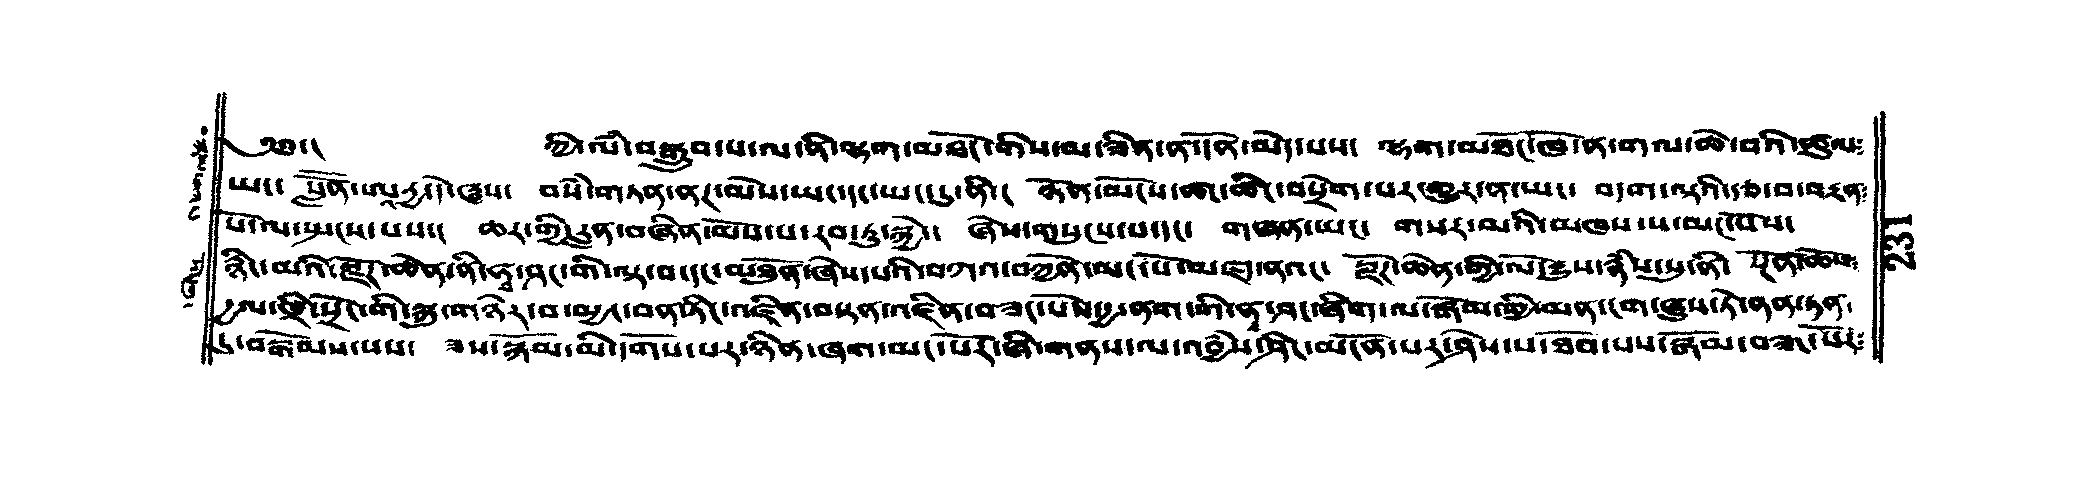ཀྱི་ལམ་བསྒྲུབ་པ་ལ་ནི་ལྷག་མཐོང་གིས་མ་ཟིན་ན་དོན་མེད་པས། ལྷག་མཐོང་ཁོ་ན་གལ་ཆེ་བའི་ཚུལ་
ཡང་། སློབ་དཔོན་ཨཱརྻ་དེ་ཝས། བསམ་གཏན་ནགས་མེས་ཡང་དང་ཡང་དུ་ནི། །ཉོན་མོངས་ཚང་ཚིང་བསྲེག་པར་གྱུར་ན་ཡང་། །བདག་ལྟའི་རྩ་བ་བརྟན་
པོ་མ་སྤངས་པས། །ཆར་གྱི་རླན་བཞིན་མོས་པ་རབ་ཏུ་སྐྱེ། ཞེས་གསུངས་པ་དང་། གཞན་ཡང་། གསར་མའི་མཁས་པ་མང་པོས། 
རྙིང་མའི་རྫོགས་ཆེན་ནི་ཧྭ་ཤང་གི་ལྟ་བ་དང་མཐུན་ནོ་ཞེས་པའི་བཀའ་བཀྱོན་མང་པོ་མཛད་ནའང་། རྫོགས་ཆེན་གྱི་ལོ་རྒྱུས་རྣམས་སུ་ནི། སྔོན་ཆོས་
རྒྱལ་ཁྲི་སྲོང་གི་སྐུ་གཉེར་བ་མྱང་བན་ཏིང་འཛིན་བཟང་པོས་རྒྱ་ནག་གི་ཧྭ་ཤངཞིག་ལ་སྒོམ་གྱི་མན་ངག་ཞུས་ཏེ་ནན་ཏན་
དུ་བསྒོམས་པས། ཟས་སྐོམ་མི་དགོས་པར་ཉིན་ཞག་མང་པོར་ཞི་གནས་ལ་འབྱམས་ཤིང་མངོན་པར་ཤེས་པ་ཐོབས་པས་སྒོམ་བཟང་པོར་